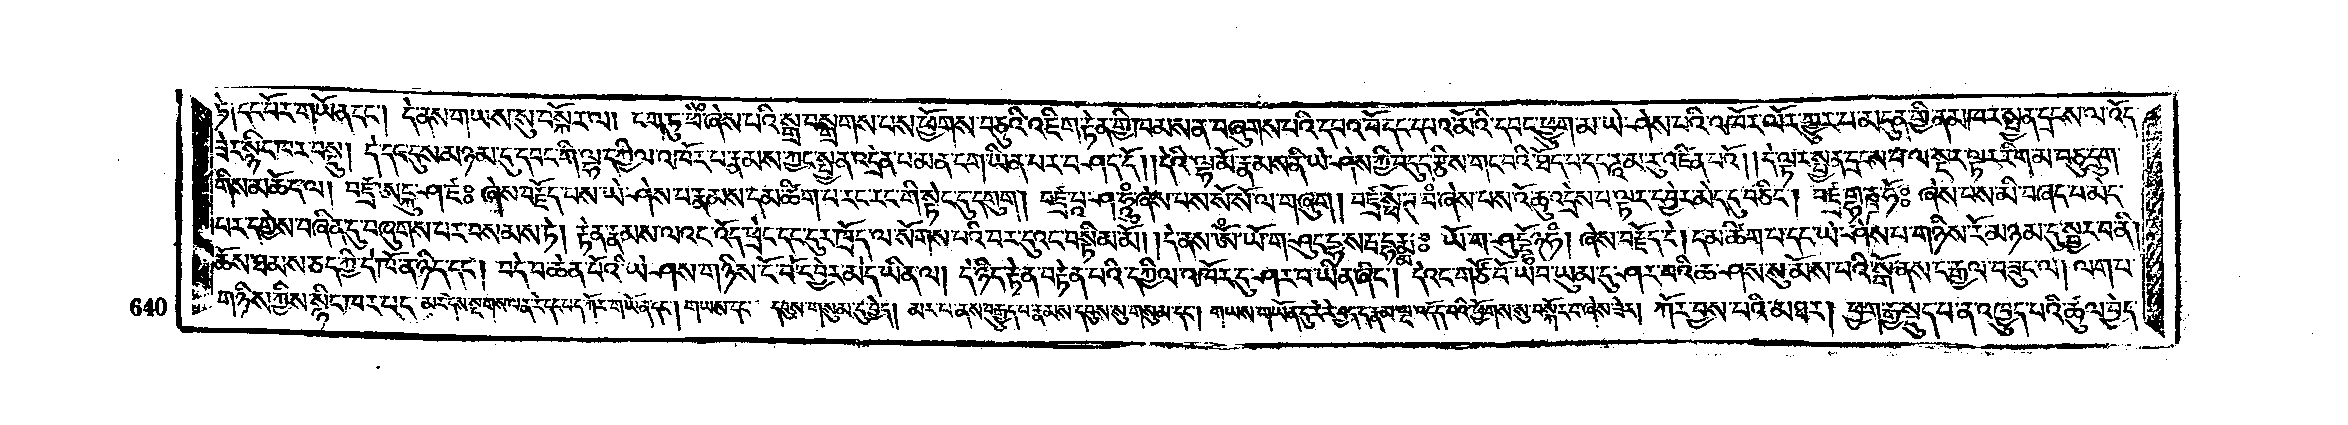ཏེ། དང་པོར་གཡོན་དང་། དེ་ནས་གཡས་སུ་བསྐོར་ལ། ངག་ཏུ་ཕེཾ་ཞེས་པའི་སྒྲ་བསྒྲགས་པས་ཕྱོགས་བཅུའི་འཇིག་རྟེན་གྱི་ཁམས་ན་བཞུགས་པའི་དཔའ་བོ་དང་དཔའ་མོའི་དབང་ཕྱུག་མ་ཡེ་ཤེས་པའི་འཁོར་ལོར་གྱུར་པ་མདུན་གྱི་ནམ་མཁར་སྤྱན་དྲངས་ལ་འོད་
ཟེར་སྙིང་ཁར་བསྡུ། དེ་དང་དུས་མཉམ་དུ་དབང་གི་ལྷ་དཀྱིལ་འཁོར་པ་རྣམས་ཀྱང་སྤྱན་འདྲེན་པ་མན་ངག་ཡིན་པར་བཤད་དོ། །དེའི་ལྷ་མོ་རྣམས་ནི་ཡེ་ཤེས་ཀྱི་བདུད་རྩིས་གང་བའི་ཐོད་པ་དང་ཌཱ་མ་རུ་འཛིན་པའོ། །དེ་ལྟར་སྤྱན་དྲངས་པ་ལ་སྔར་ལྟར་རིག་མ་བཅུ་དྲུག་
གིས་མཆོད་ལ། བཛྲ་ཨངྐུ་ཤ་ཛཿ ཞེས་བརྗོད་པས་ཡེ་ཤེས་པ་རྣམས་དམ་ཚིག་པ་རང་རང་གི་སྟེང་དུ་དགུག །བཛྲ་པཱ་ཤ་ཧཱུཾ་ཞེས་པས་སོ་སོ་ལ་གཞུག །བཛྲ་སྥོ་ཊ་བཾ་ཞེས་པས་འོ་ཆུ་འདྲེས་པ་ལྟར་དབྱེར་མེད་དུ་བཅིང་། བཛྲ་གྷ་ཎྜ་ཧོཿ ཞེས་པས་མི་བཞེད་པ་མེད་
པར་དགྱེས་བཞིན་དུ་བཞུགས་པར་བསམས་ཏེ། རྟེན་རྣམས་ལའང་འོད་ཕྲེང་དང་དུར་ཁྲོད་ལ་སོགས་པའི་བར་དུའང་བསྟིམ་མོ། །དེ་ནས་ཨོཾ་ཡོ་ག་ཤུད་དྷ་སརྦ་དྷརྨྨཿ ཡོ་ག་ཤུདྡྷོ་ཉཧཾ། ཞེས་བརྗོད་དེ། དམ་ཚིག་པ་དང་ཡེ་ཤེས་པ་གཉིས་རོ་མཉམ་དུ་སྦྱར་བ་ནི།
ཆོས་ཐམས་ཅད་ཀྱི་དེ་ཁོ་ན་ཉིད་དང་། བདེ་བ་ཆེན་པོའི་ཡེ་ཤེས་གཉིས་ངོ་བོ་དབྱེར་མེད་ཡིན་ལ། དེ་ཉིད་རྟེན་བརྟེན་པའི་དཀྱིལ་འཁོར་དུ་ཤར་བ་ཡིན་ཞིང་། དེའང་གཙོ་བོ་ཡབ་ཡུམ་དུ་ཤར་བའི་ཆ་ཤས་སུ་མོས་པའི་སྒོ་ནས་ང་རྒྱལ་བཟུང་ལ། ལག་པ་
གཉིས་ཀྱིས་སྙིང་ཁར་པད་མར་དེས་སྔགས་ལན་རེ་དང་པད་ཀོར་གཡོན་དང་། གཡས་དང་། དབུས་གསུམ་དུ་བྱེད། མར་པ་ནས་བརྒྱུད་པ་རྣམས་དབུས་སུ་གསུམ་དང་། གཡས་གཡོན་དུ་རེ་རེ་བྱེད་དེ་རྣམ་ལྔ་འདོད་པའི་ཕྱོགས་སུ་བསྐོར་བ་ཞེས་ཟེར། ཀོར་བྱས་པའི་མཐར། ཕྱག་རྒྱ་སྡུད་པ་ན་འཁྱུད་པའི་ཚུལ་བྱེད་